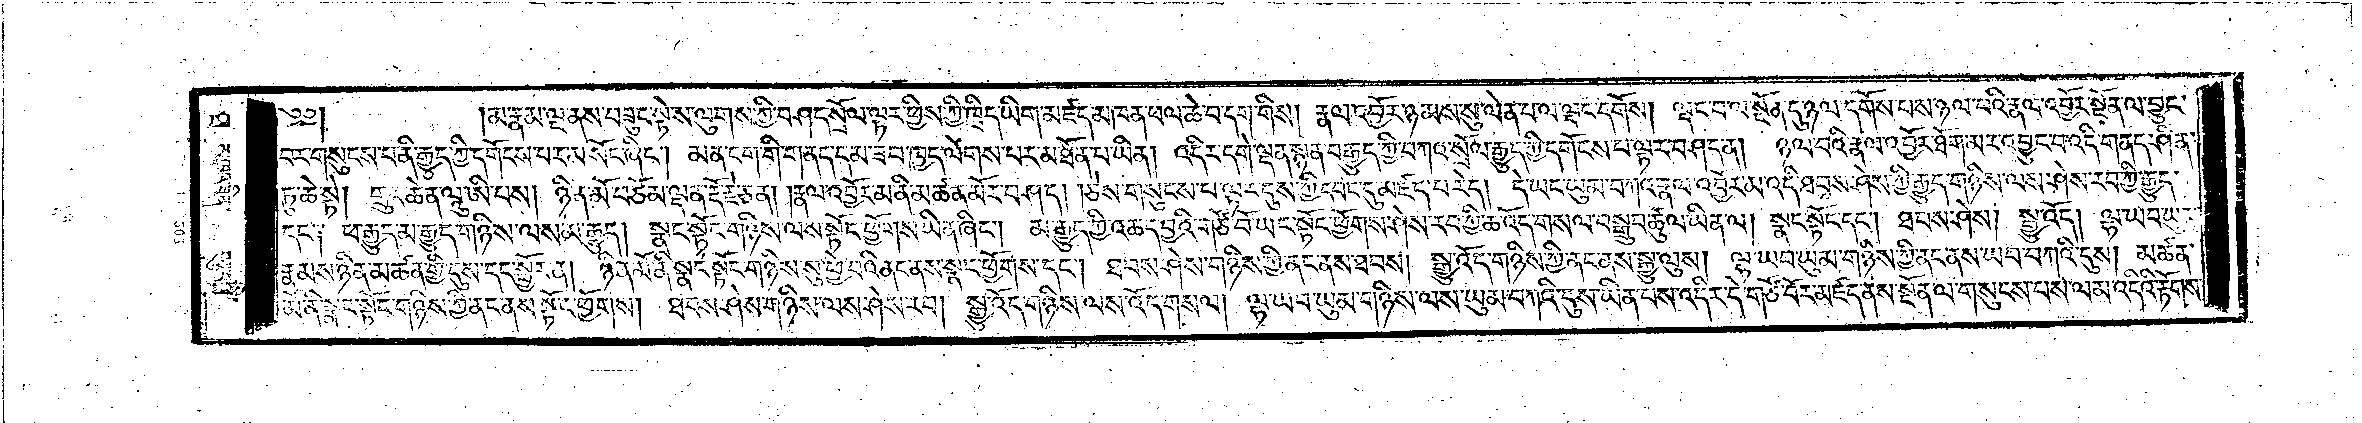༄༅། །མ་རྣམ་ལྔ་ནས་བཟུང་སྟེ་ས་ལུགས་ཀྱི་བཤད་སྲོལ་ལྟར་ཕྱིས་ཀྱི་ཁྲིད་ཡིག་མཛད་མཁན་ཕལ་ཆེ་བ་དག་གིས། རྣལ་འབྱོར་ཉམས་སུ་ལེན་པ་ལ་ལྡང་དགོས། ལྡང་བ་ལ་སྔོན་དུ་ཉལ་དགོས་པས་ཉལ་བའི་རྣལ་འབྱོར་སྔོན་ལ་བྱུང་
བར་གསུངས་པ་ནི་རྒྱུད་ཀྱི་དགོངས་པར་མ་སོང་ཞིང་། མན་ངག་གི་གནད་དམ་ཟབ་ཁྱད་ལེགས་པར་མཐུན་པ་ཡིན། འདིར་དགེ་ལྡན་སྙན་བརྒྱུད་ཀྱི་བཀའ་སྲོལ་རྒྱུད་ཀྱི་དགོངས་པ་ལྟར་བཤད་ན། ཉལ་བའི་རྣལ་འབྱོར་ཐོག་མར་འབྱུང་བ་འདི་གནད་ཤིན་
ཏུ་ཆེ་སྟེ། གྲུབ་ཆེན་ལཱུ་ཨི་པས། ཉིན་མོ་བཅོམ་ལྡན་རྡོ་རྗེ་ཅན། །རྣལ་འབྱོར་མ་ནི་མཚན་མོར་བཤད། །ཅེས་གསུངས་པ་ལྟར་དུས་ཀྱི་དབང་དུ་མཛད་པ་རེད། དེ་ཡང་ཡུམ་བཀའ་རྣལ་འབྱོར་མ་འདི་ཐབས་ཤེས་ཀྱི་རྒྱུད་གཉིས་ལ་ཤེས་རབ་ཀྱི་རྒྱུད་
དང༑ ཕ་རྒྱུད་མ་རྒྱུད་གཉིས་ལས་མ་རྒྱུད། སྣང་སྟོང་གཉིས་ལས་སྟོང་ཕྱོགས་ཡིན་ཞིང་། མ་རྒྱུད་ཀྱི་འཆད་བྱའི་གཙོ་བོ་ཡང་སྟོང་ཕྱོགས་ཤེས་རབ་ཀྱི་ཆ་འོད་གསལ་བསྒྲུབ་ཚུལ་ཡིན་ལ། སྣང་སྟོང་དང་། ཐབས་ཤེས། སྒྱུ་འོད། ལྷ་ཡབ་ཡུམ་
རྣམས་ཉིན་མཚན་གྱི་དུས་དང་སྦྱོར་ན། ཉིན་མོ་ནི་སྣང་སྟོང་གཉིས་སུ་ཕྱེ་བའི་ནང་ནས་སྣང་ཕྱོགས་དང་། ཐབས་ཤེས་གཉིས་ཀྱི་ནང་ནས་ཐབས། སྒྱུ་འོད་གཉིས་ཀྱི་ནང་ནས་སྒྱུ་ལུས། ལྷ་ཡབ་ཡུམ་གཉིས་ཀྱི་ནང་ནས་ཡབ་བཀའི་དུས། མཚན་
མོ་ནི་སྣང་སྟོང་གཉིས་ཀྱི་ནང་ནས་སྟོང་ཕྱོགས། ཐབས་ཤེས་གཉིས་ལས་ཤེས་རབ། སྒྱུ་འོད་གཉིས་ལས་འོད་གསལ། ལྷ་ཡབ་ཡུམ་གཉིས་ལས་ཡུམ་བཀའི་དུས་ཡིན་པས་འདིར་དེ་གཙོ་བོར་མཛད་ནས་སྔོན་ལ་གསུངས་པས་ལམ་འདིའི་རྟོགས་